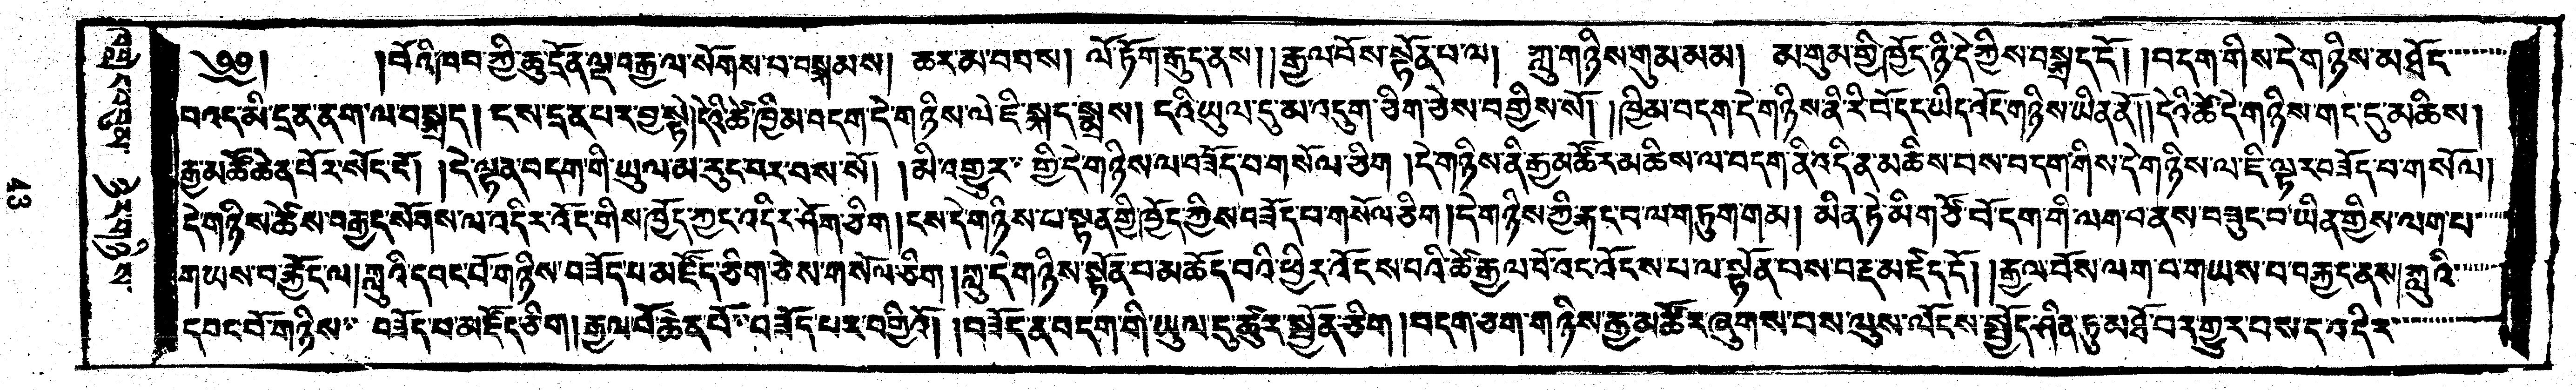༄༅། །བོའི་ཁབ་ཀྱི་ཆུ་དྲོན་ལྔ་བརྒྱ་ལ་སོགས་པ་བསྐམས། ཆར་མ་བབས། ལོ་ཏོག་རྒུད་ནས། །རྒྱལ་པོས་སྟོན་པ་ལ། ཀླུ་གཉིས་གུམ་མམ། མ་གུམ་གྱི་ཁྱོད་ཉི་དེ་ཀྱིས་བསྐྲད་དོ། །བདག་གིས་དེ་གཉིས་མཐོང་
བའང་མི་དྲན་ནག་ལ་བསྐྲད། ངས་དྲན་པར་བྱ་སྟེ། དེའི་ཚེ་ཁྱིམ་བདག་དེ་གཉིས་ལེ་ཇི་སྐད་སྨྲས། དའི་ཡུལ་དུ་མ་འདུག་ཅིག་ཅེས་བགྱིས་སོ། །ཁྱིམ་བདག་དེ་གཉིས་ནི་རི་བོ་དང་ཡིད་འོང་གཉིས་ཡིན་ནོ། །དེའི་ཚེ་དེ་གཉིས་གང་དུ་མཆིས།
རྒྱ་མཚོ་ཆེན་པོར་སོང་ངོ། །དེ་ལྟ་ན་བདག་གི་ཡུལ་མ་རུང་བར་བས་སོ། །མི་འགྱུར་གྱི་དེ་གཉིས་ལ་བཟོད་པ་གསོལ་ཅིག །དེ་གཉིས་ནི་རྒྱ་མཚོར་མཆིས་ལ་བདག་ནི་འདི་ན་མཆིས་པས་བདག་གིས་དེ་གཉིས་ལ་ཇི་ལྟར་བཟོད་པ་གསོལ།
དེ་གཉིས་ཚེས་བརྒྱད་སོགས་ལ་འདིར་འོང་གིས་ཁྱོད་ཀྱང་འདིར་ཤོག་ཅིག །ངས་དེ་གཉིས་པ་སྟན་གྱི་ཁྱོད་ཀྱིས་བཟོད་པ་གསོལ་ཅིག །དེ་གཉིས་ཀྱི་རྐང་བ་ལ་གཏུག་གམ། མིན་ཏེ་མི་གཙོ་བོ་དག་གི་ལག་པ་ནས་བཟུང་བ་ཡིན་གྱིས་ལག་པ་
གཡས་བ་རྐྱོང་ལ། ཀླུའི་དབང་པོ་གཉིས་བཟོད་པ་མཛོད་ཅིག་ཅེས་གསོལ་ཅིག །ཀླུ་དེ་གཉིས་སྟོན་པ་མཆོད་བའི་ཕྱིར་འོངས་པའི་ཚེ་རྒྱལ་བོའང་འོངས་པ་ལ་སྟོན་པས་བརྡ་མཛད་དོ། །རྒྱལ་བོས་ལག་བ་གཡས་པ་བརྐྱང་ནས་།ཀླུའི་
དབང་པོ་གཉིས༑ བཟོད་པ་མཛོད་ཅིག །རྒྱལ་པོ་ཆེན་པོ་བཟོད་པར་བགྱིའོ། །བཟོད་ན་བདག་གི་ཡུལ་དུ་ཚུར་སྦྱོན་ཅིག །བདག་ཅག་གཉིས་རྒྱ་མཚོར་ཞུགས་པས་ལུས་ལོངས་སྤྱོད་ཤིན་ཏུ་མཐོ་བར་གྱུར་བས་ད་འདིར་